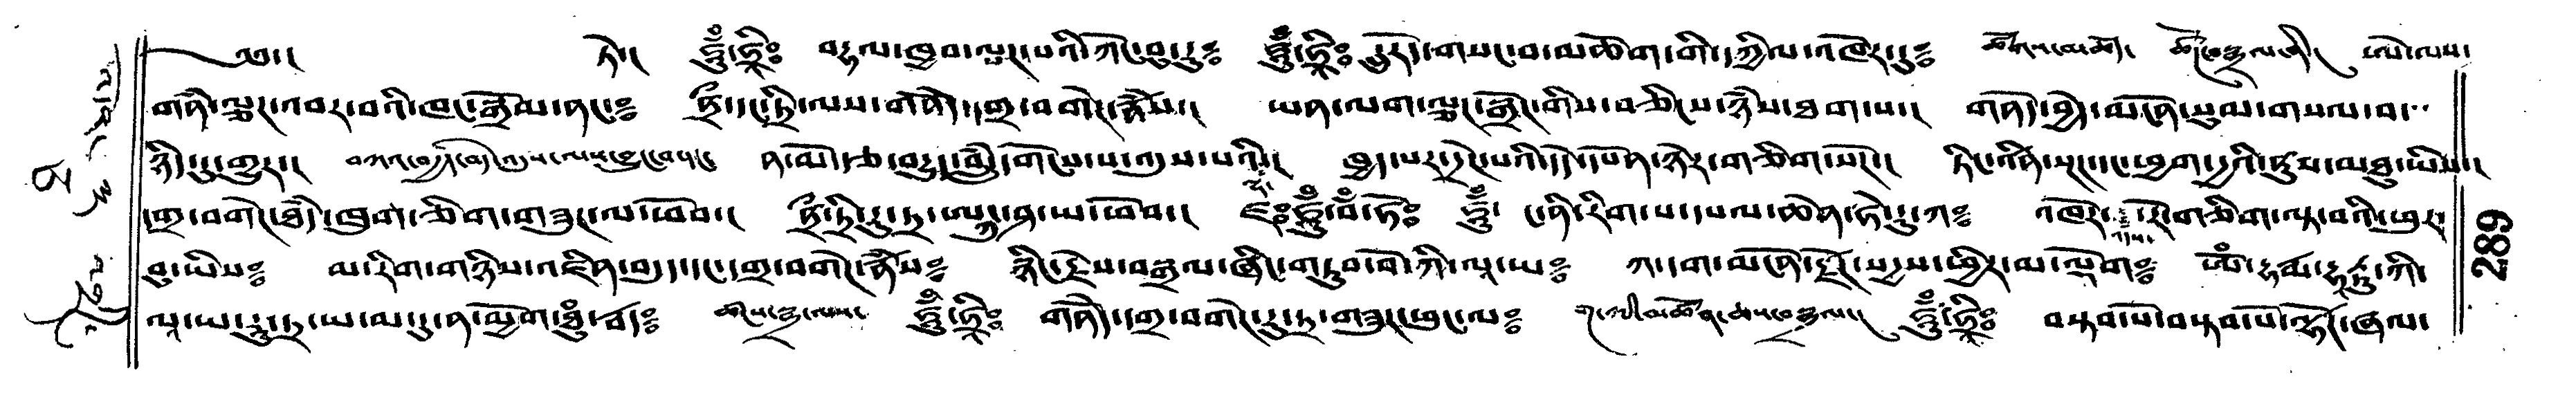ཏེ༔ ཧཱུྃ་ཧྲཱི༔ བརྡལ་ཁྱབ་ལྤགས་པའི་ཀོང་བུ་རུ༔ ཧཱུྃ་ཧྲཱི༔ དུར་ཁྲོད་གསང་བ་མཆོག་གི་དཀྱིལ་འཁོར་དུ༔ ཚོགས་མཆོད། ཚོགས་བསྒྲལ་ནི། ཨེ་ལས་
གནམ་ལྕགས་འབར་བའི་ཁང་སྒྲོམ་ནང༔ །ནྲྀ་དང་ཏྲི་ལས་གནོད་བྱ་དགྲ་བགེགས་རྣམས། །ཡན་ལག་ལྕགས་སྒྲོག་གིས་བཅིངས་ཉམ་ཐག་པ། །གནོད་བྱེད་མངོན་སུམ་གསལ་བ་
ཉིད་དུ་གྱུར། ཞེས་བཀའ་བརྒྱད་བདེ་འདུས་ལས་བྱུང་བ་དང་། ན་མོ། རྩ་བརྒྱུད་བླ་མ་དགོངས་པ་འདུས་པའི་ལྷ། ཁྱད་པར་དྲེགས་པའི་དེད་དཔོན་ཉེར་གཅིག་སོགས། །ཏིང་འཛིན་སྔགས་དང་ཕྱག་རྒྱའི་ནུས་མཐུ་ཡིས། །
དགྲ་བགེགས་ཐམས་ཅད་ཁུག་ཅིག་གཟུགས་ལ་ཕོབ། །ནྲྀ་ཏྲི་རུ་ཏྲ་ཨངྐུ་ཤ་ཡ་ཕོབ། ཛཿཧཱུྃ་བྃ་ཧོཿ ང་ནི་རིག་པ་དཔལ་ཆེན་ཧེ་རུ་ཀ༔འཁོར་འདས་རོ་གཅིག་ལྟ་བུའི་ཕུར་
བུ་ཡིས༔ མ་རིག་གཉིས་འཛིན་བདུད་དང་དགྲ་བགེགས་རྣམས༔ སྙིང་རྗེས་བསྒྲལ་ཞིང་གཏུབ་བོ་ཀི་ལཱ་ཡ༔ ཀ་དག་མངོན་རྫོགས་སངས་རྒྱས་ཕྱིར་མི་ལྡོག༔ ཨོཾ་དྷརྨཱ་དྷཱརྟུ་ཀི་
ལཱ་ཡ་རཱུ་ཏྲ་ཡ་མ་དུ་ན་མྱོག་ཐུཾ་རྦད༔ ཚངས་སྒྲ་ལས། ཧཱུྃ་ཧྲཱི༔ གནོད་བྱེད་དགྲ་བགེགས་རུ་ཏྲ་གཟུགས་ཕུང་ལ༔ སོགས་ཀྱིས་མཚོན་ཆས་བསྒྲལ། ཧཱུྃ་ཧྲཱི༔ བསྟབ་པོ་བསྟབ་པོ་ལྷ་ཚོགས་ཞལ་